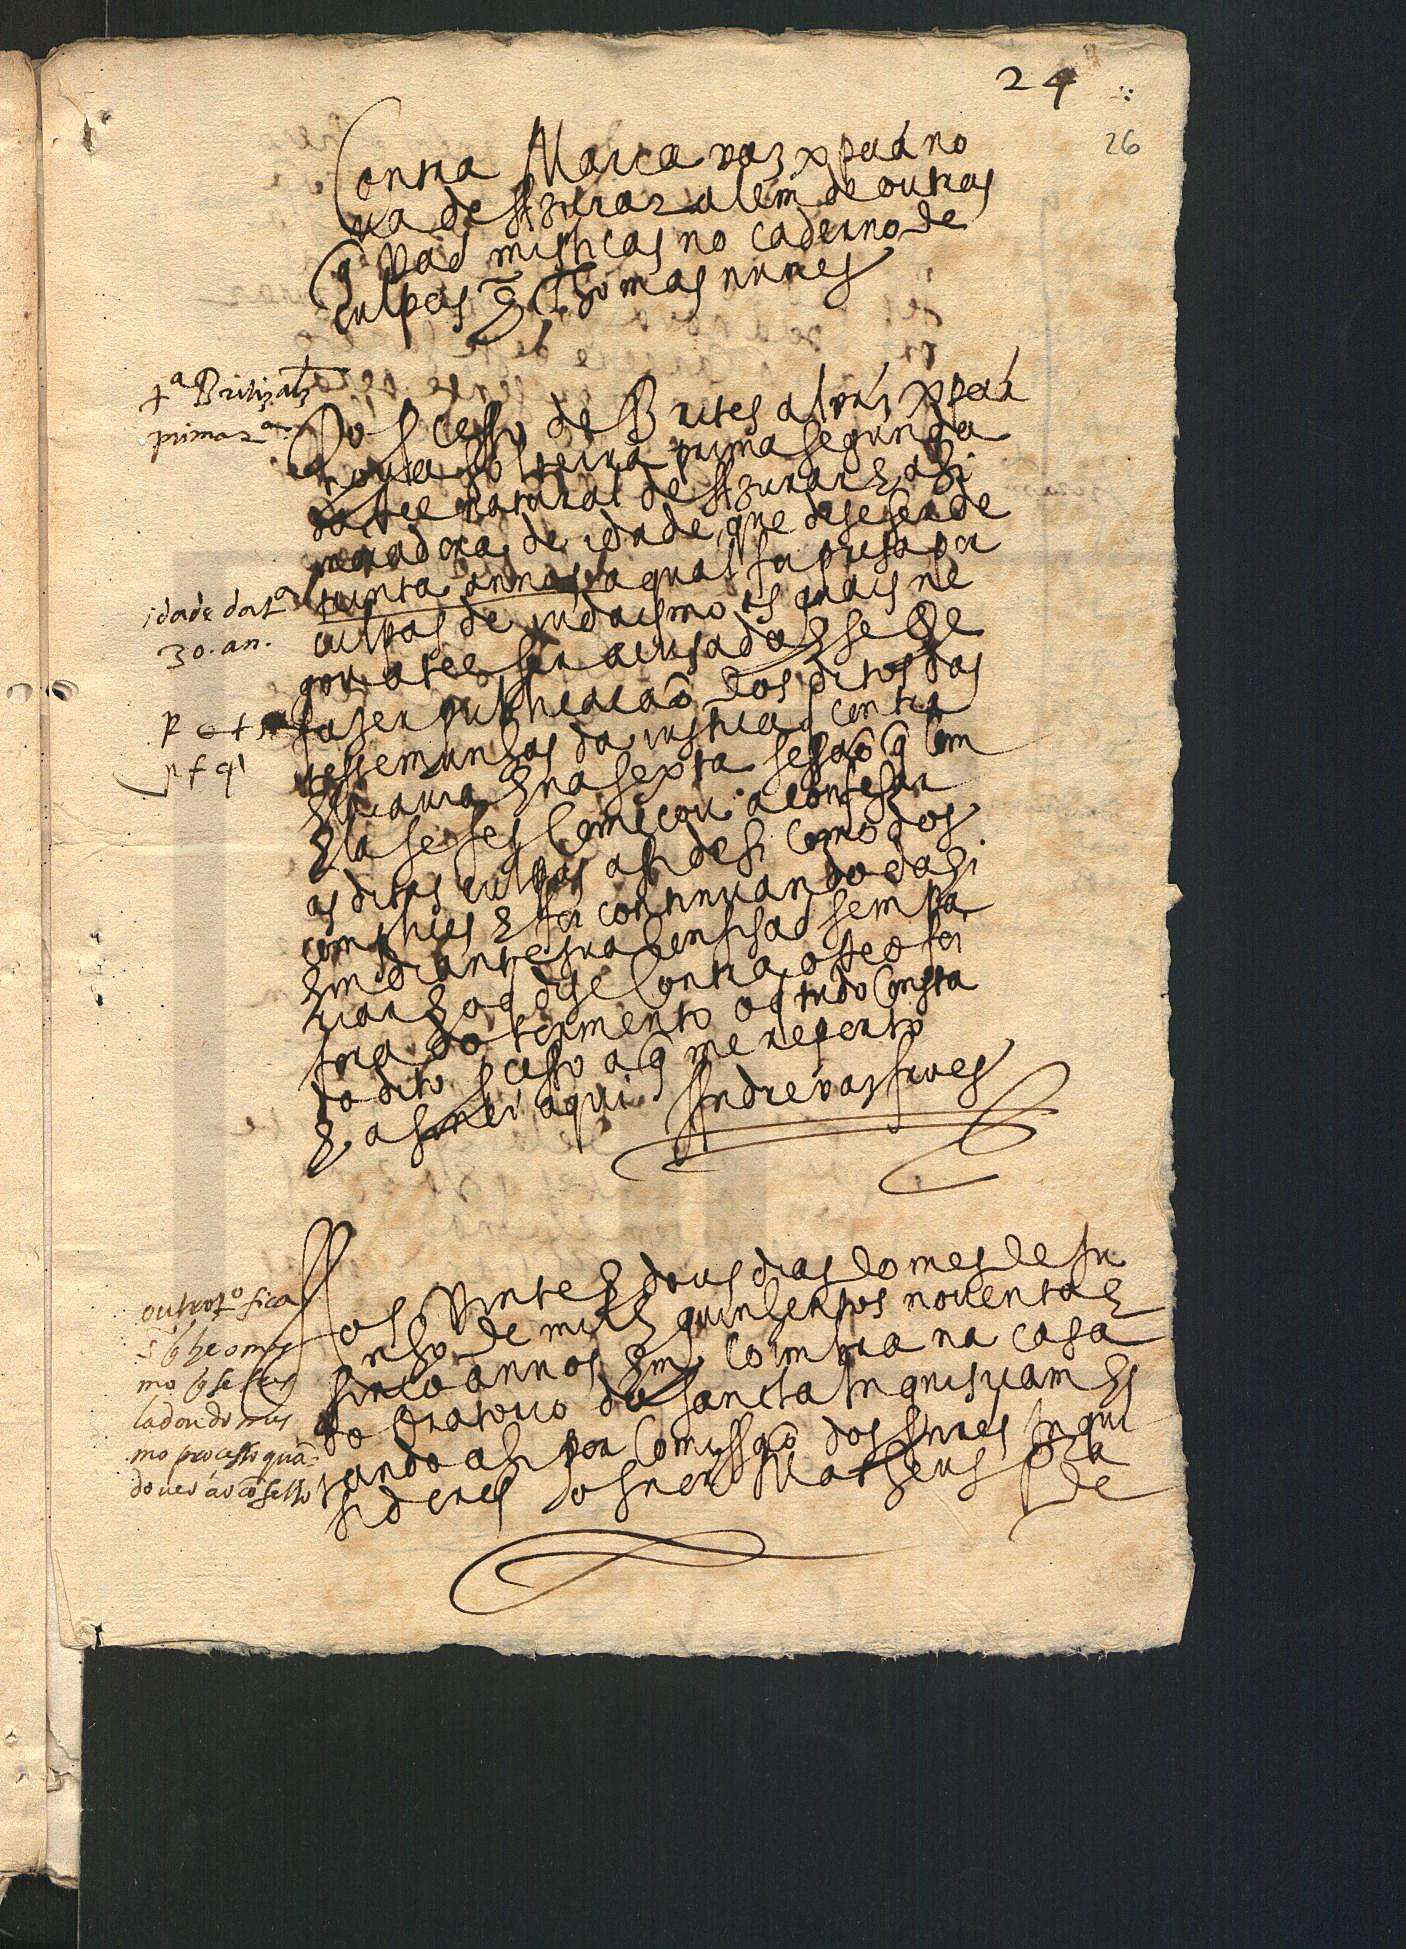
Contra Maria vaz xpaā no
ua de Azurar alem de outras
q̄ vaõ misticas no caderno de
culpas ꝯ̄ Thomas nunes
Do ꝓcesso de Brites alvz̄ xpaā
noua solteira prima segunda
da Ree natural de Azurar E ahi
moradora de idade, que dise ser de
trinta annos a qual foi presa por
culpas de iudaismo as quais ne
gou atee ser acusada E se lhe
fazer publicacaõ dos ditos das
testemunhas da iustica q̄ contra
Ela auia E na sexta sessaõ q̄ Com
Ela se fes Comecou a confesar
as ditas culpas assi de si como dos
complices E foi continuando dahi
Em diante sua Confisaõ sem va
riar ho q̄ dise Contra o Reo foi
fora do tormento o q̄ tudo Consta
do dito ꝓçesso a q̄ me reporto
E asinei aqui André vaz froes
Aos vinte E dous dias do mes de Ju
nho de mil E quinhentos nouenta E
ssinco annos Em Coimbra na casa
do Oratorio da sancta Inquisiçam Es
tando ahi por Comissaõ dos snres Jnqui
sidores do snor Matheus pra
de
ta Britiz al̄z
prima 2a.
idade da ta
30. an.
Ro? t _
p f 41
outro to fica
s̄ q̄ he o mes
mo q̄ se tres
ladou do mes
mo proçesso quā
do ueo ao cōselho
